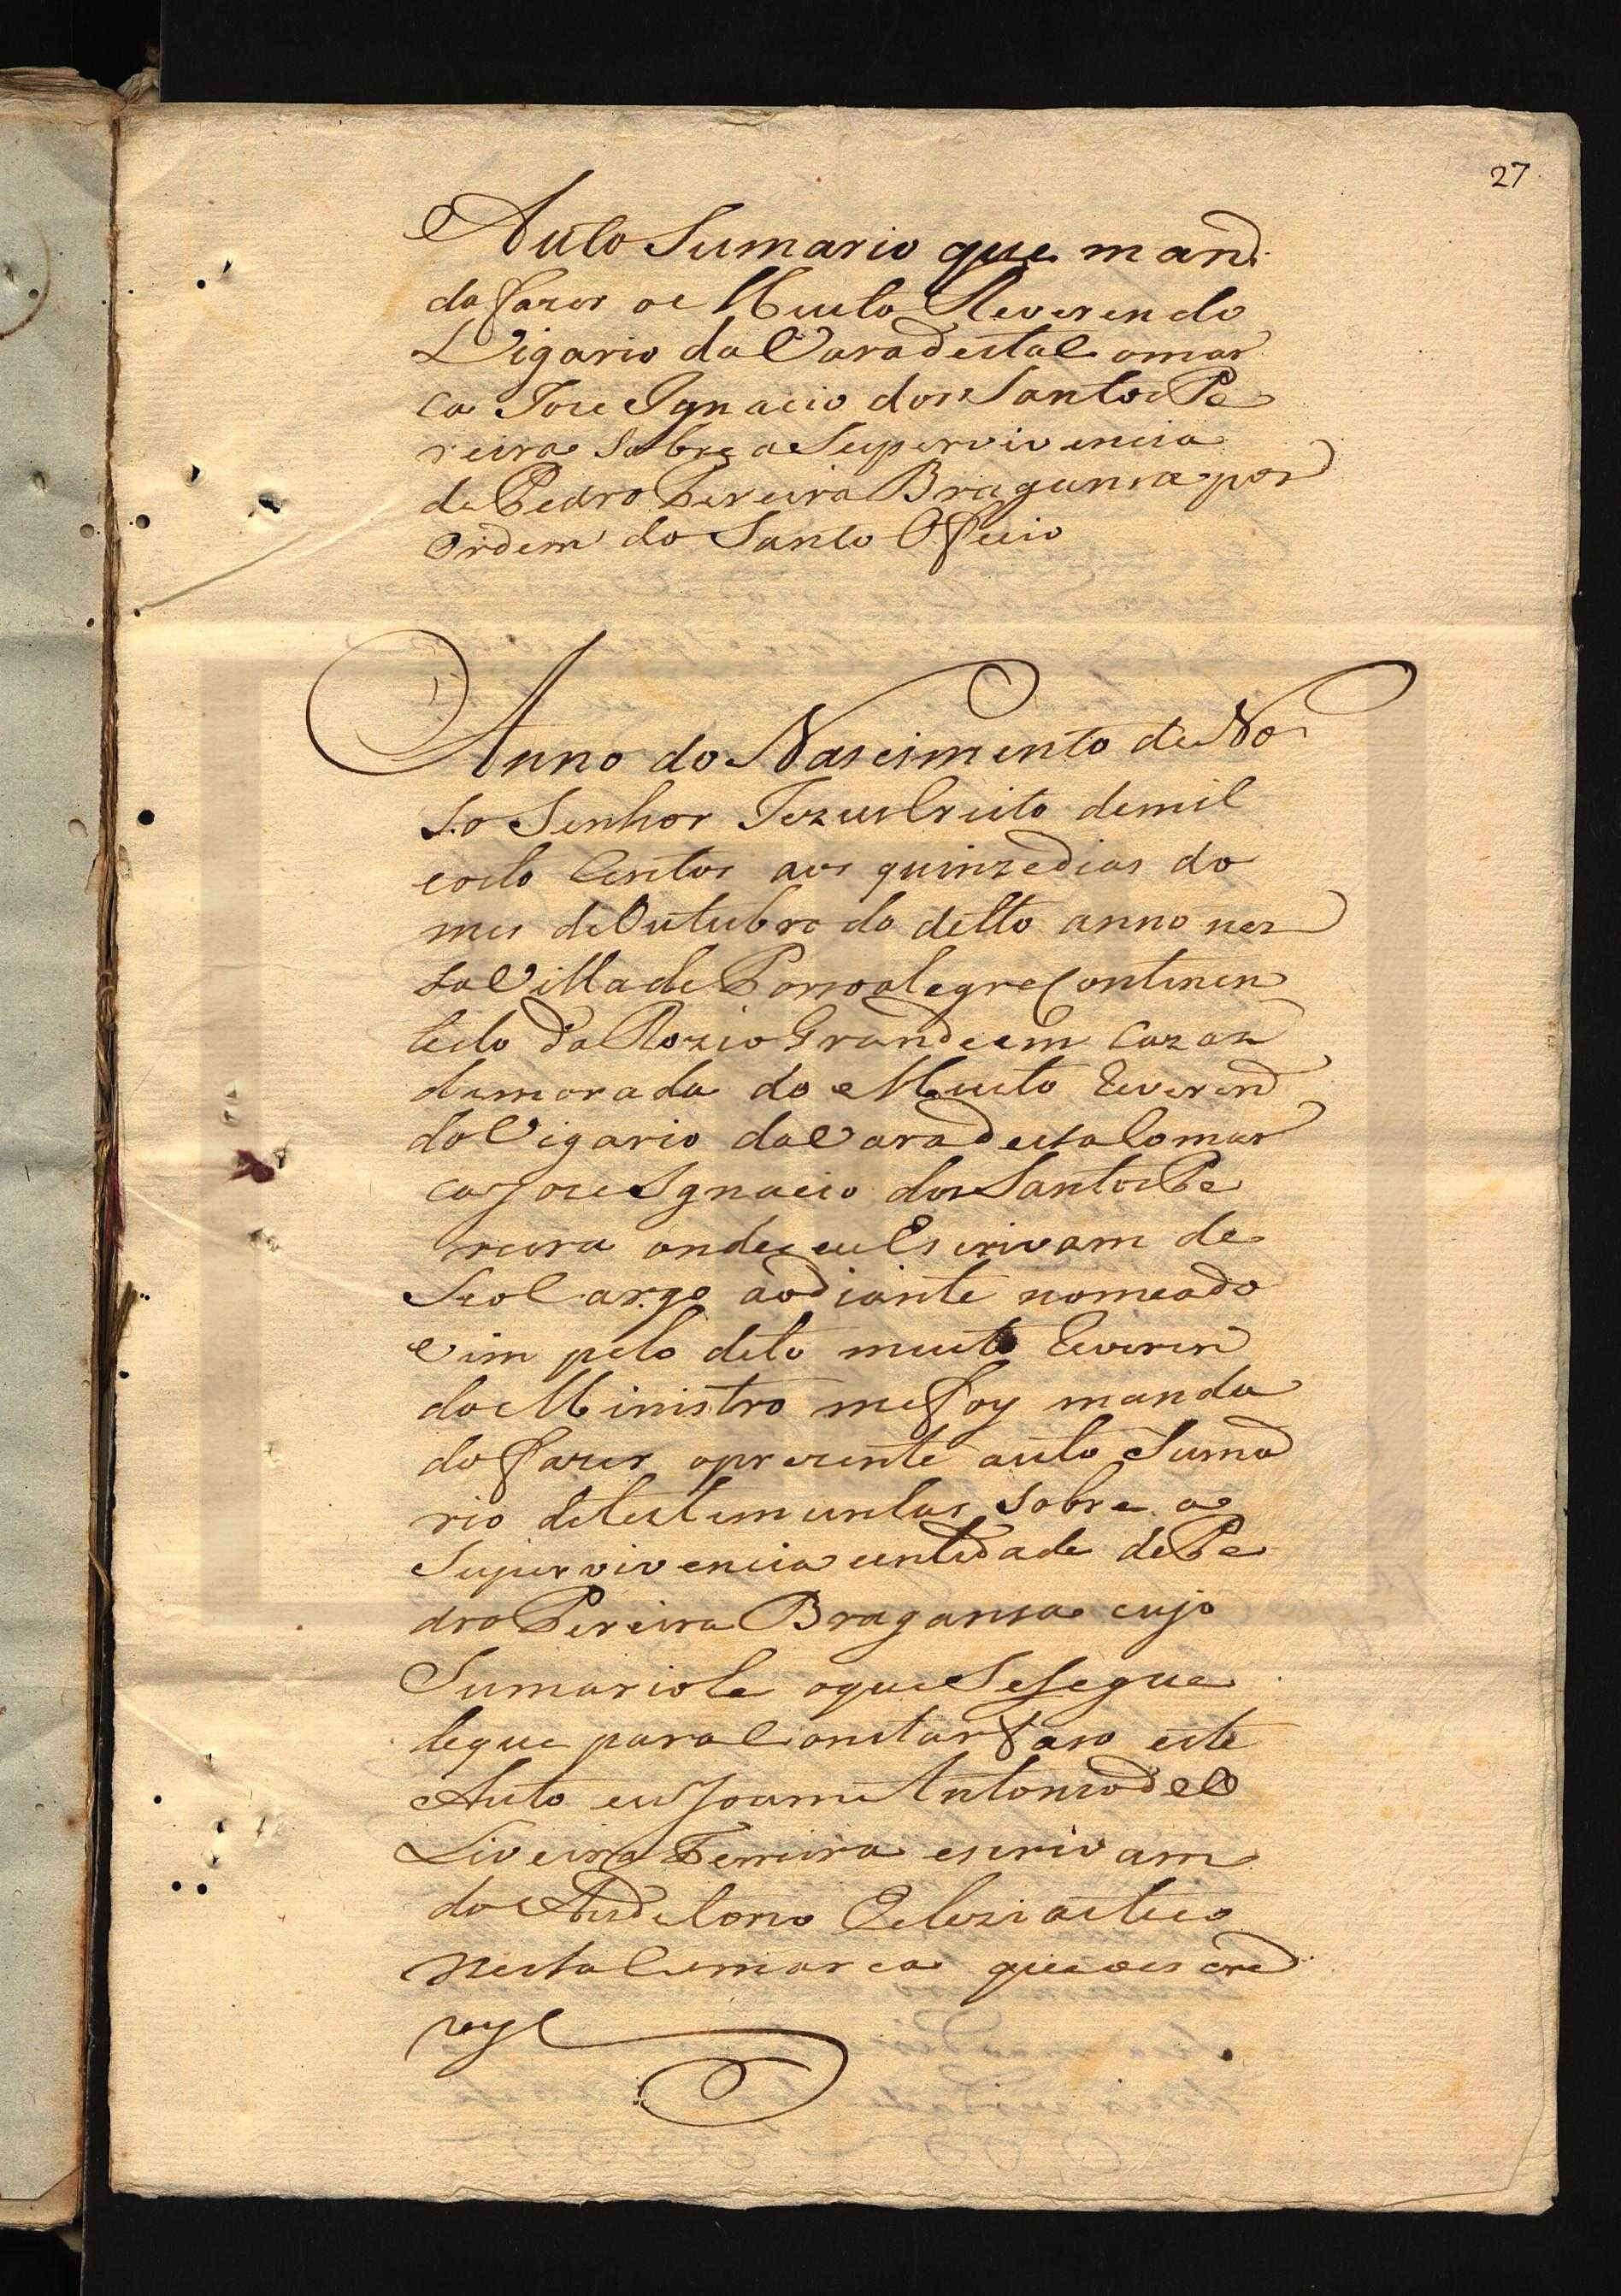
Auto Sumario que man
da fazer o Muito Reverendo
Vigario da Vara desta Comar
ca Ioze Ignacio dos Santos Pe
reira Sobre a Supervivencia
de Pedro Pereira Braganca por
Ordem do Santo Oficio
Anno do Nascimento de Nos
so Senhor Iezus Cristo de mil
e oitoCentos aos quinze dias do
mes de Outubro do ditto anno nez
ta Villa de Porto alegre Continen
te do Rozio Grande em Cazaz
da morada do e Muito Reveren
do Vigario da vara desta Comar
ca Joze Ignacio dos Santos Pe
reira onde eu Escrivam de
Seo Cargo aodiante nomeado
vim pelo dito muito Reveren
do Ministro me foy manda
do fazer o prezente auto Suma
rio de testemunhas sobre a
Supervivencia e entidade de Pe
dro Pereira Bragansa cujo
Sumario he o que Se segue
de que para Constar faso este
Auto eu Joam Antonio de O
Liveira Ferreira escrivam
do Auditorio Ecleziastico
nesta Comarca que o escre
vy
